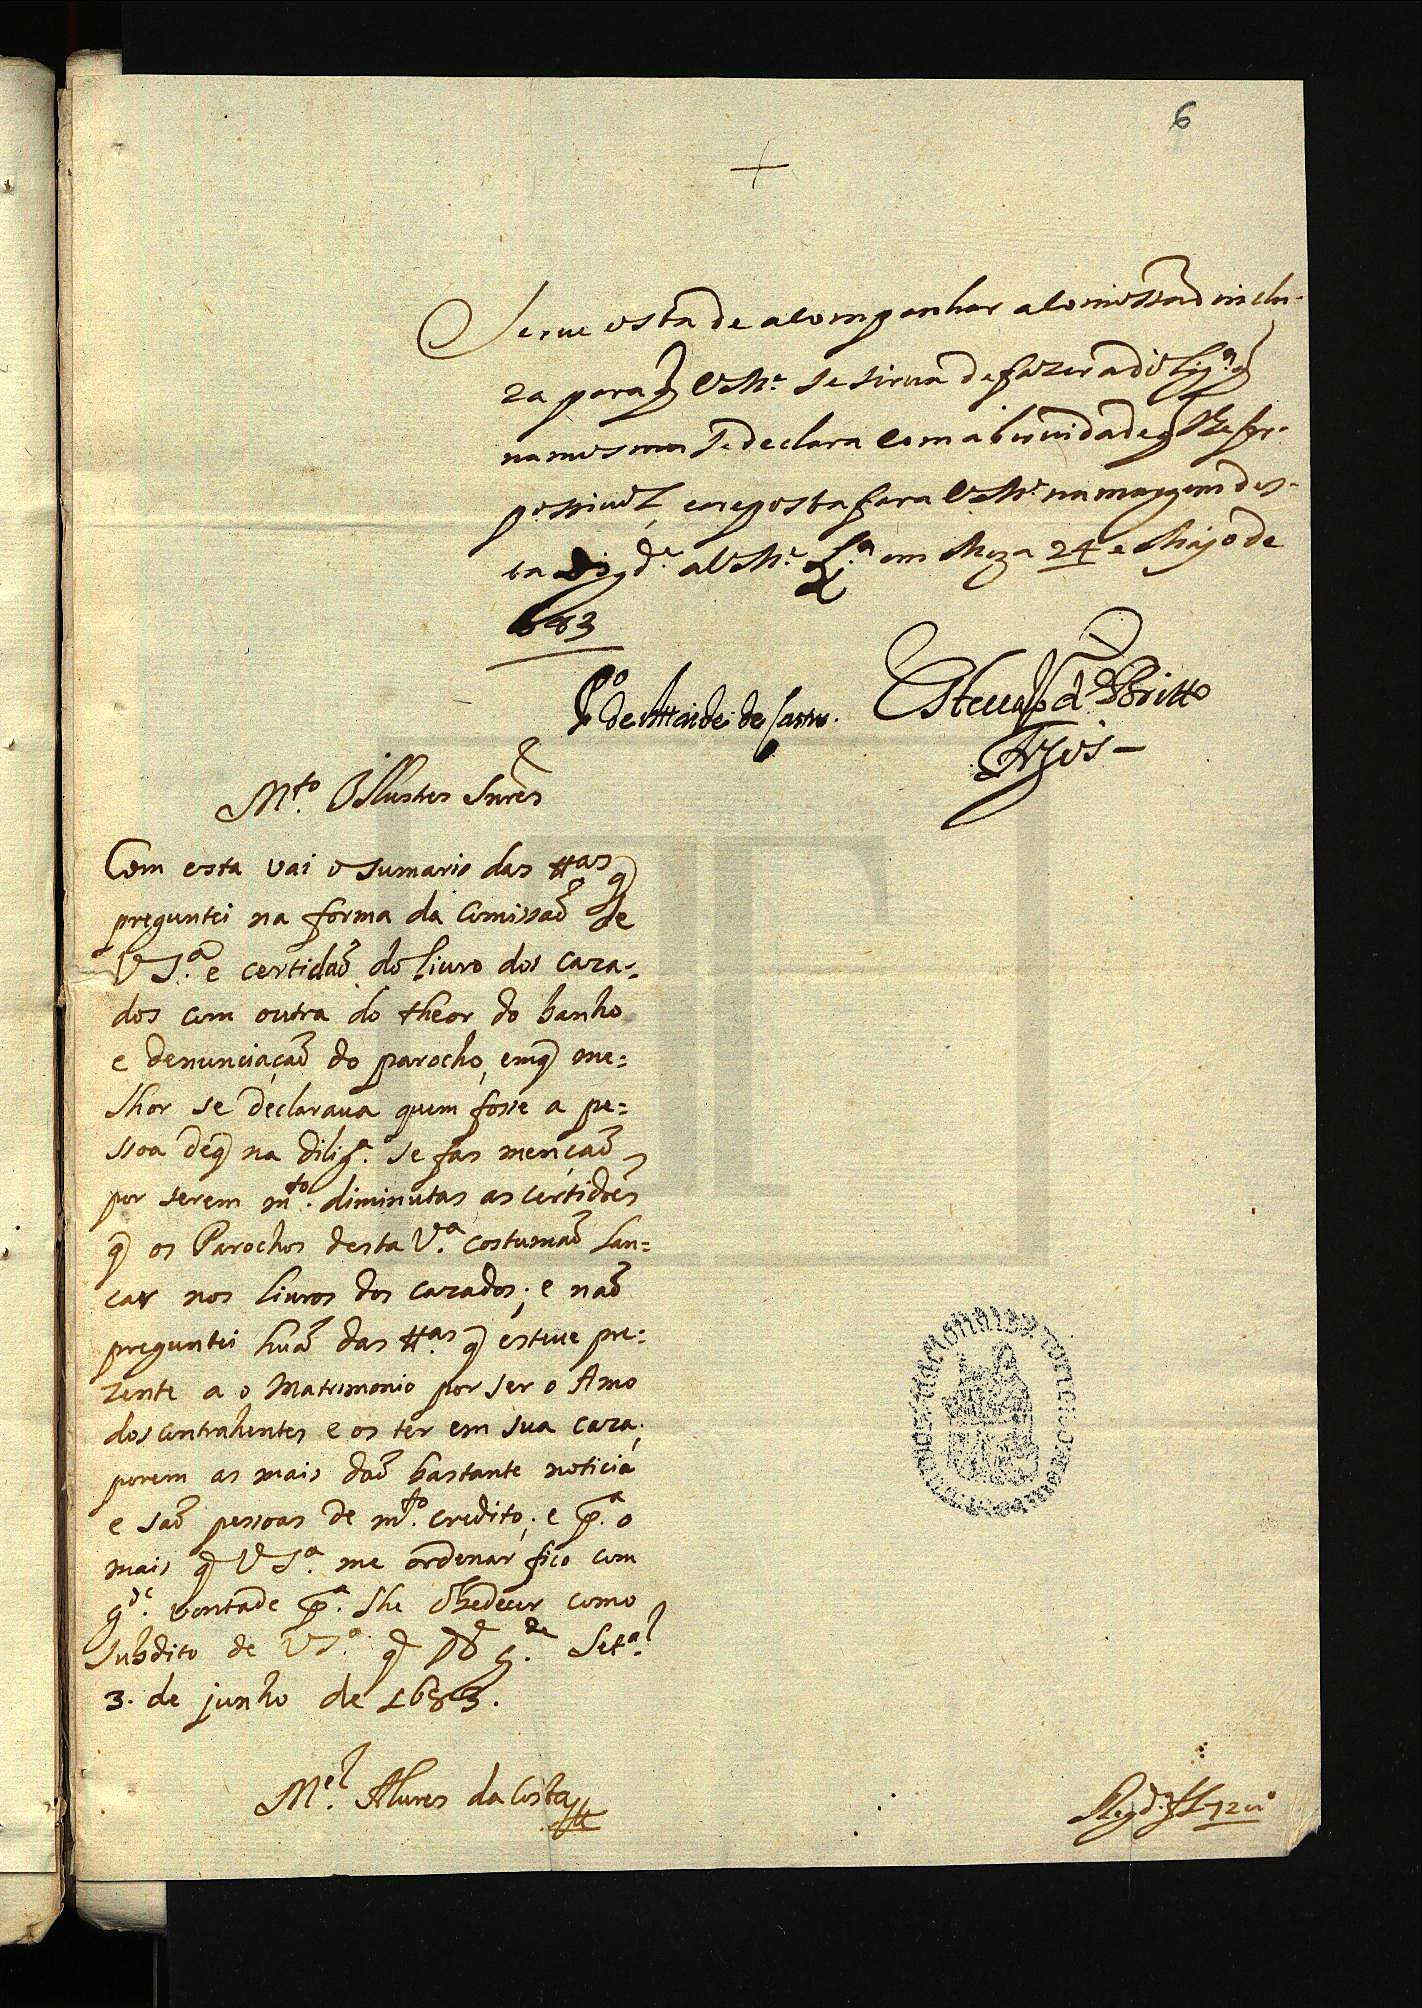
Serue esta de acompanhar a comissaõ inclu
za para q̄ V M.e se sirua de fazer a dilig.a q̄
na mesma se declara com a beruidade q̄ lhe for
possiuel, e a reposta para V M.e em margem des
ta Ds gd.e a V M.e Lx.a em Meza 24 e Majo de
683
Po de Attaide de Castro. Esteuaõ de Britto
Foyos -
Mt.o Illustres Snrēs
Com esta vai o sumario das ttas
preguntei na forma da comissaõ de
V S.a e certidaõ do liuro dos caza
dos com outra do theor do banho
e denunciaçaõ do parocho, em q̄ me
lhor se declaraua quem fosse a pe
ssoa de q̄ na dilig.a se faz mençaõ
por serem m.to diminutas as certidoẽs
q̄ os Parochos desta V.a costumaõ lan
çar nos liuros dos cazados; e naõ
preguntei huā das tt.as q̄ esteue pre
zente ao matrimonio por ser o Amo
dos contrahentes e os ter em sua caza;
porem as mais daõ bastante noticia
e saõ pessoas de mt.o credito; e p.a o
mais q̄ V S.a me ordenar fico com
gd.e vontade p.a lhe obedecer como
Subdito de V S.a q̄ Ds̄ g.de Seta.l
3. de junho de 1683.
M.el Alures da Costa
Regd.a fl 72 uo
